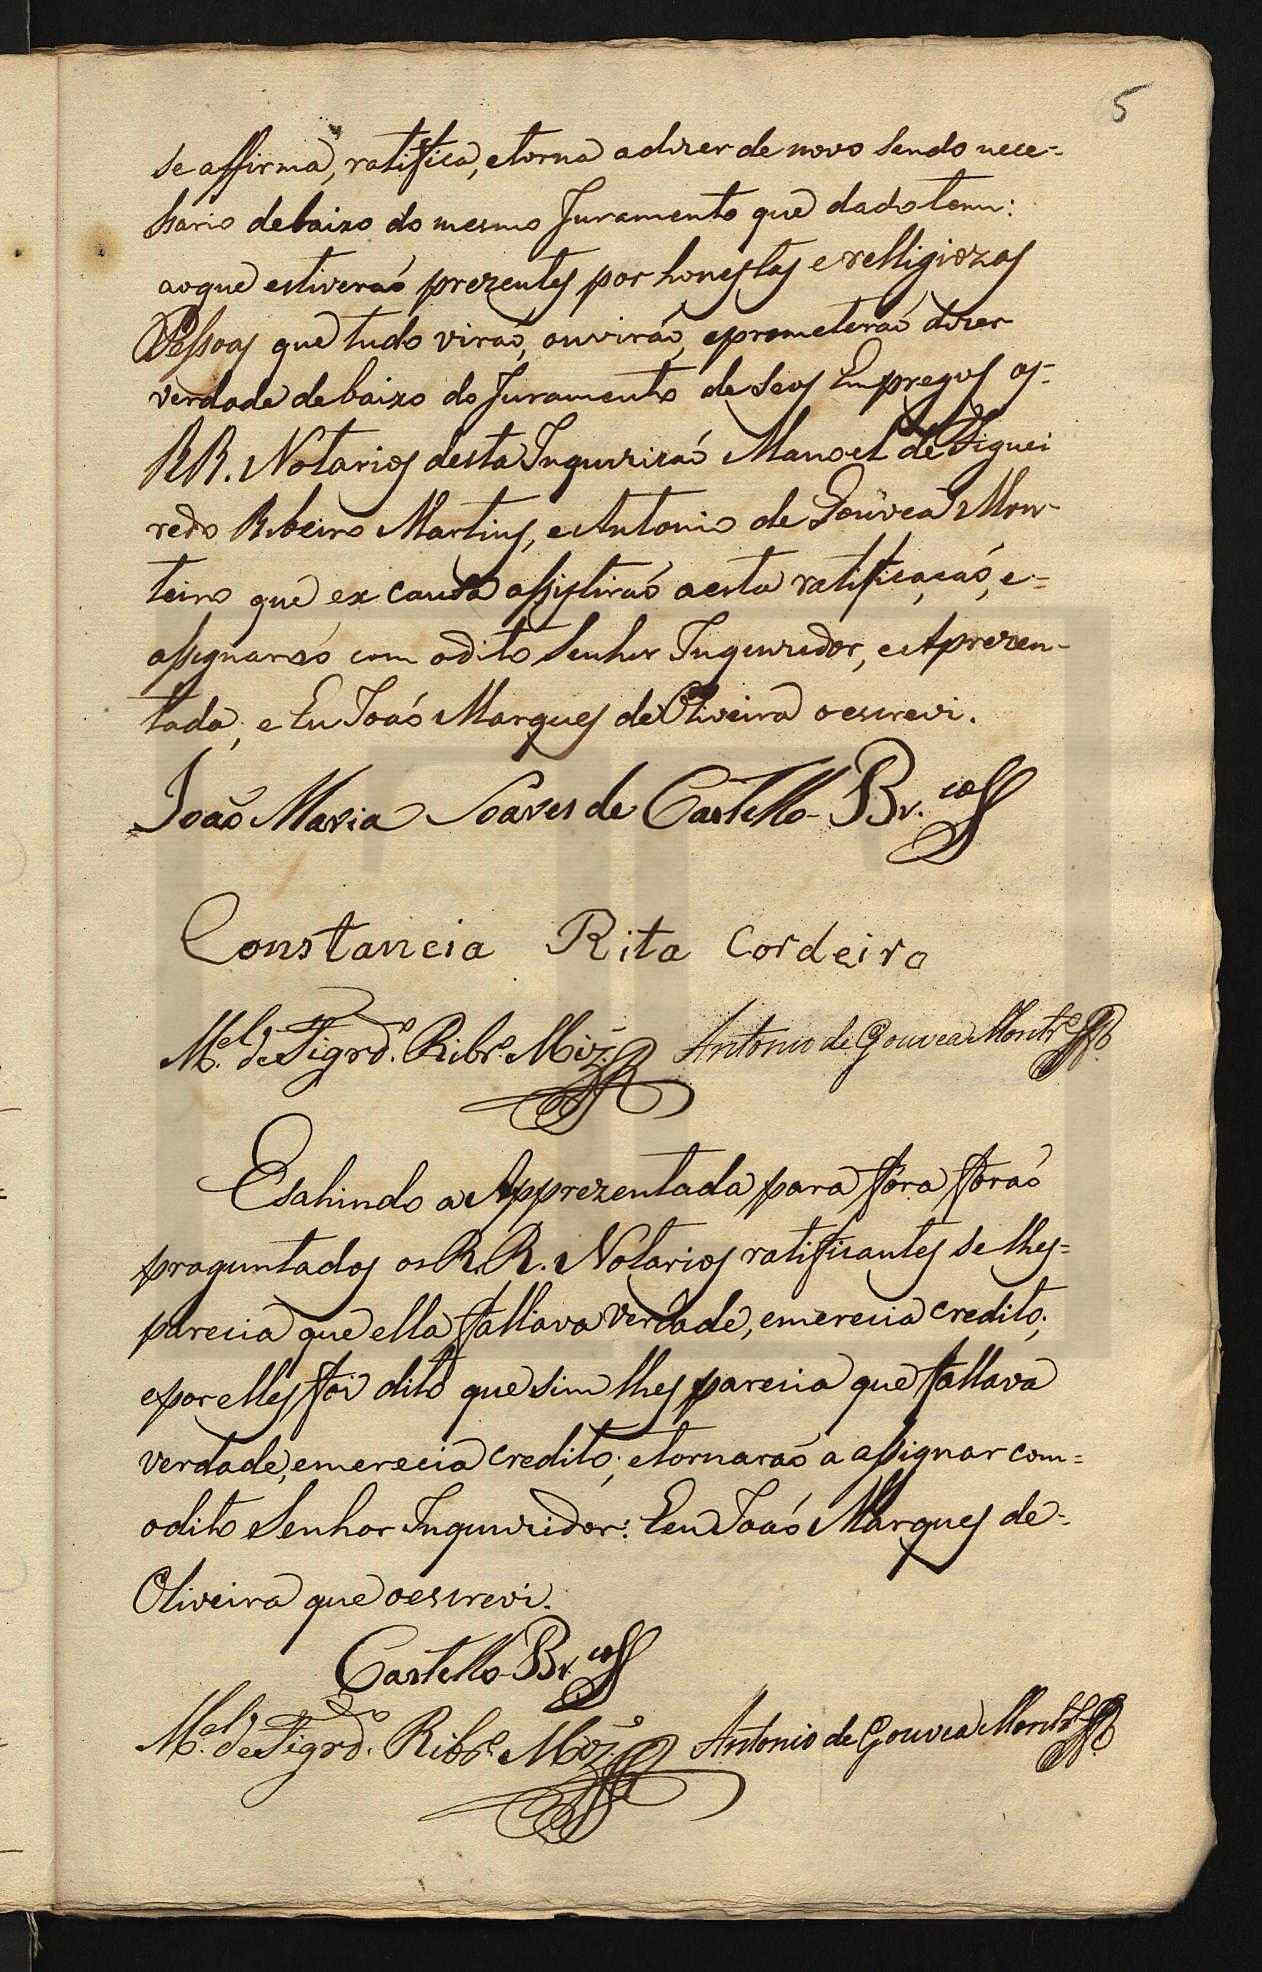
se affirma, ratifica, e torna a dizer de novo sendo nece
Ssario debaixo do mesmo Juramento que dado tem:
ao que estiveraõ prezentes por honestas, e relligiozas
Pessoas que tudo virão, ouviraõ e prometeraõ dizer
verdade debaixo do Juramento de seus Empregos os
RR. Notarios desta Inquiziçaõ Manoel de Figuei
redo Ribeiro Martins, e Antonio de Gouvea Mon
teiro que ex causa assistiraõ a esta ratificaçaõ, e
assignaraõ com o dito Senhor Inqeuzidor, e Aprezen
tada, e Eu Ioaõ Marques de Oliveira o escrevi.
Ioaõ Maria Soares de Castello Br.co
Constancia Rita Cordeiro
M.el de Figrd.o Ribr.o Miz̄ Antonio de Gouvea Montr.o
E sahindo a Apprezentada para fóra foraõ
proguntados os R.R. Notarios ratificantes se lhes
parecia que ella fallava verdade, e merecia credito;
e por elles foi dito que sim lhes parecia que fallava
verdade, e merecia credito; e tornaraõ a assignar com
o dito Senhor Inquezidor: E eu Ioaõ Marques de
Oliveira que o escrevi.
Castello Br.co
M.el de Figrd.o Ribr.o Miz̄ Antonio de Gouvea Montr.o
